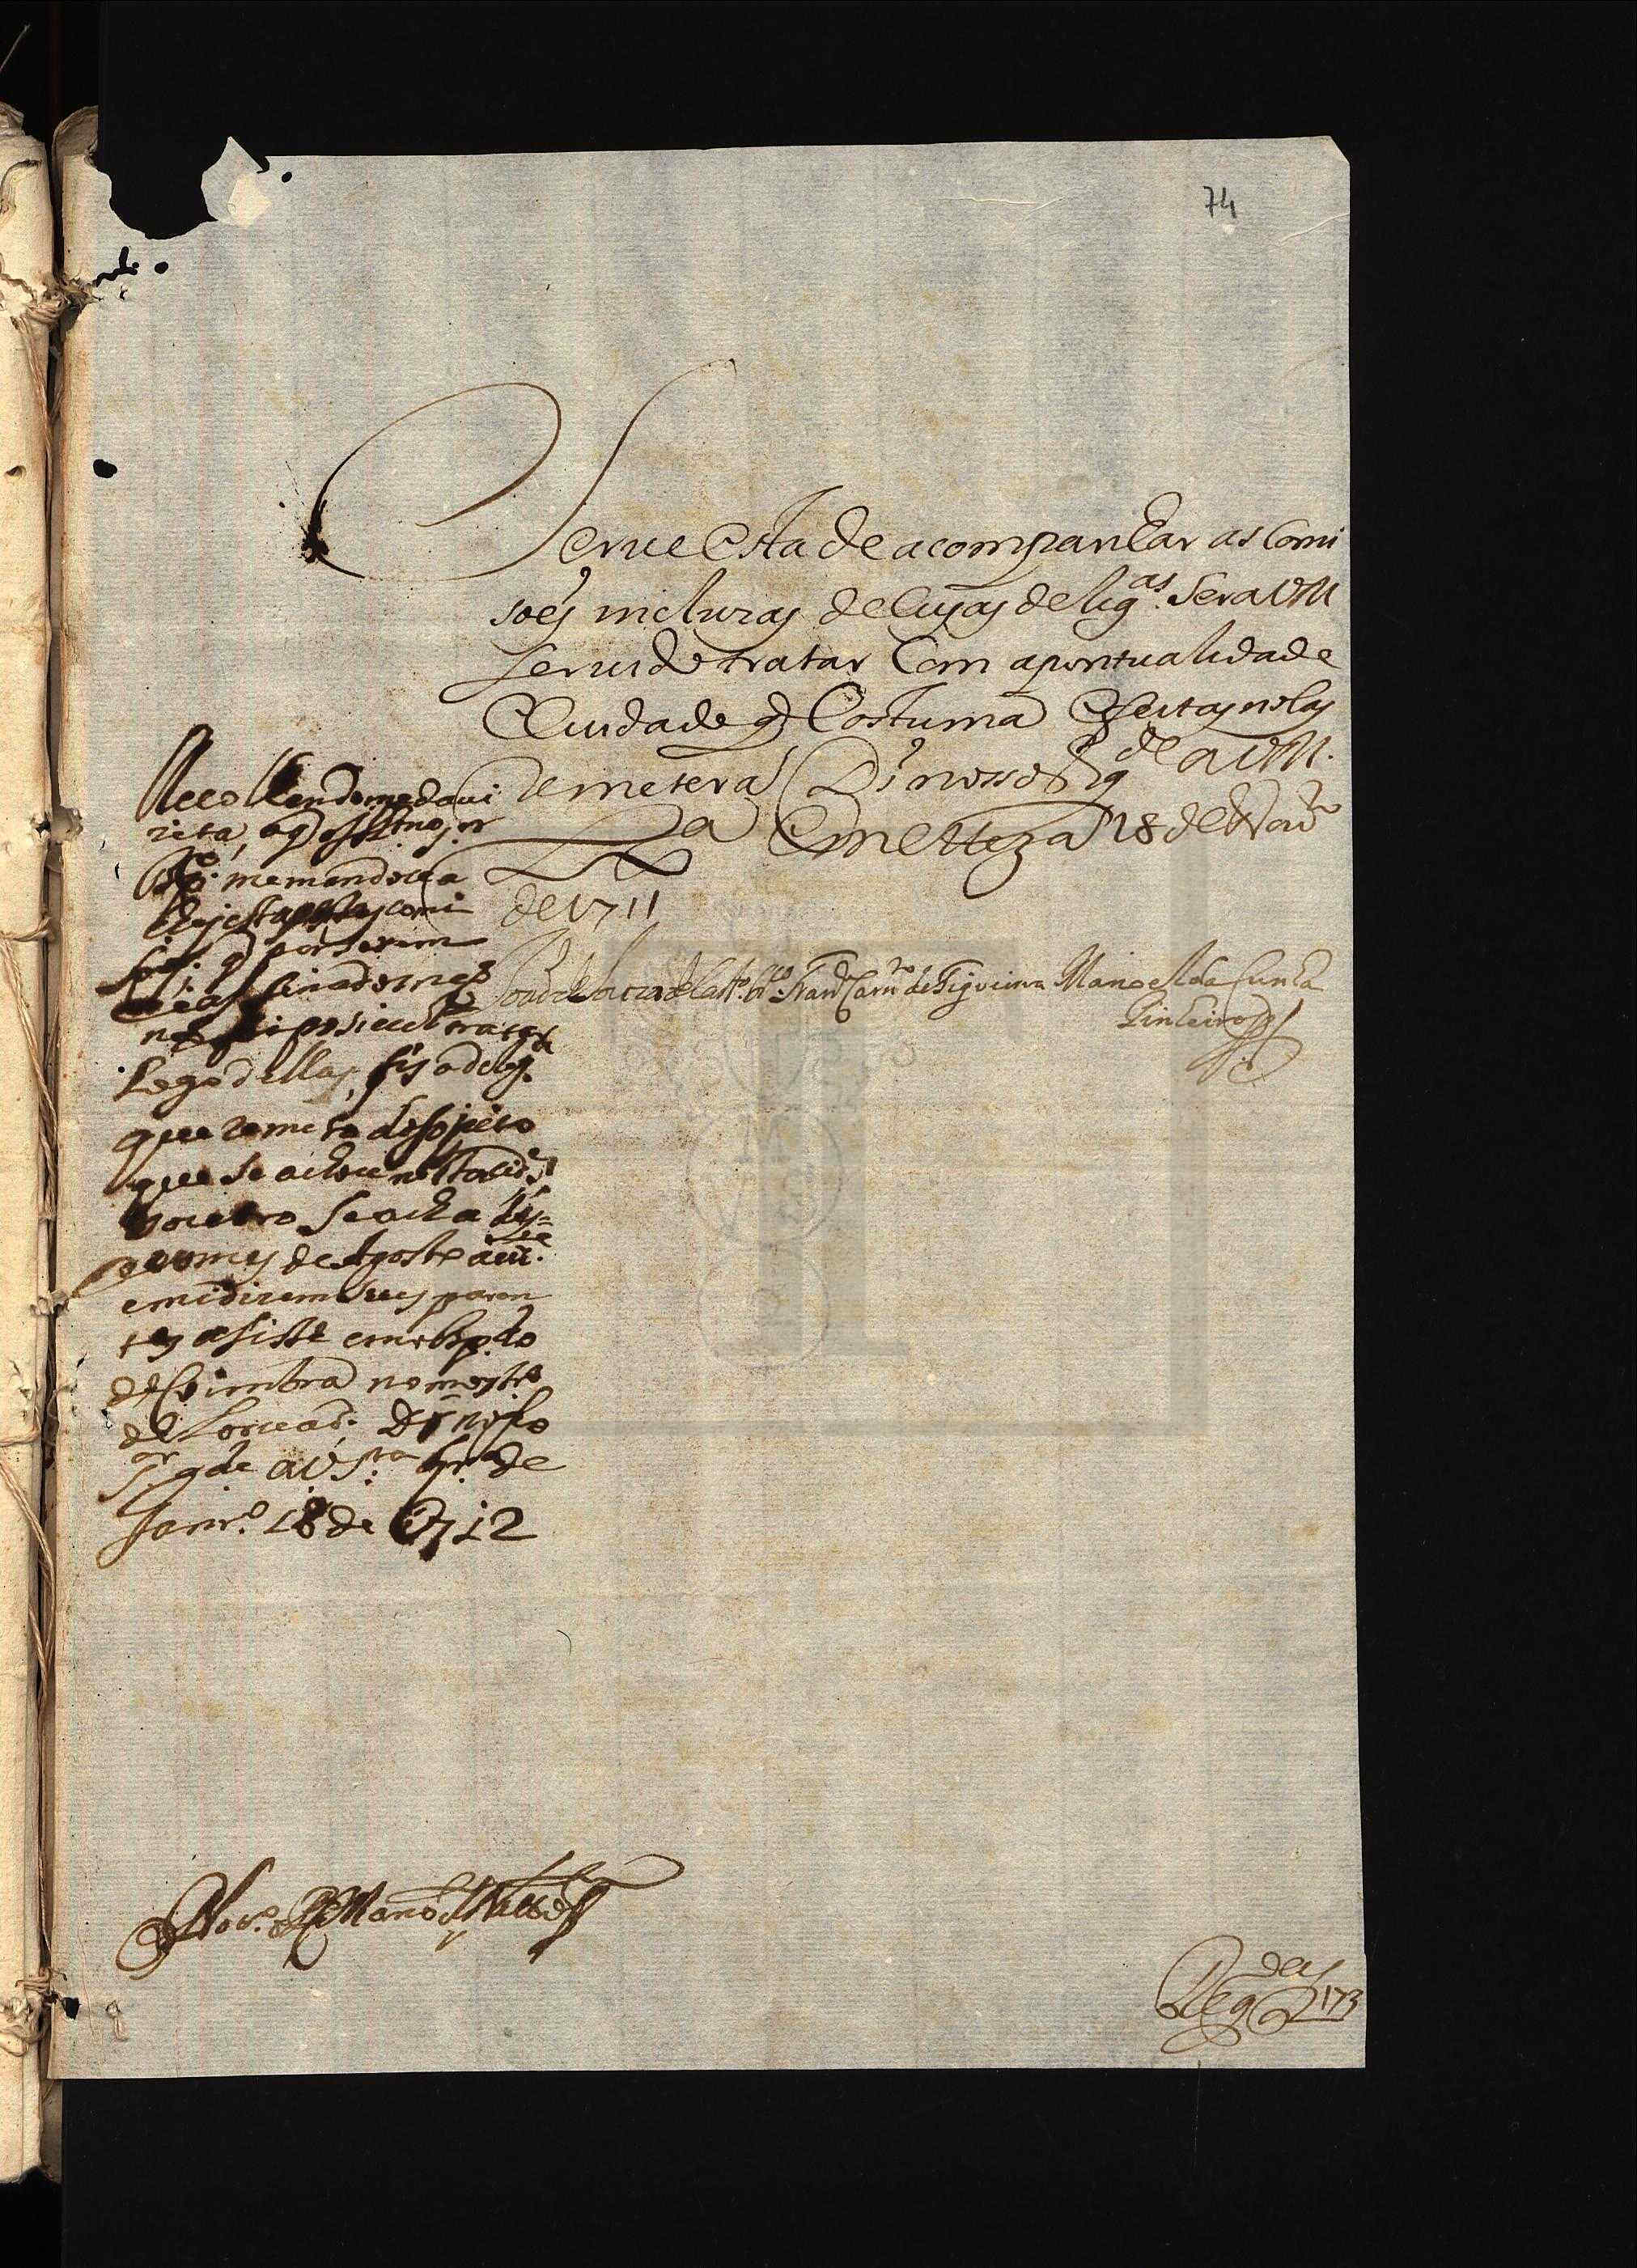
Recolhendome da ui
zita, o q̄ o Jllm.o S.or
Bp.o me mandoua
E hoje esta partes comi
sej; q̄ por serem
ia assinados naõ
naõ foi posiuel tratar
Logo dellas, fis a delig.a
que remeto do sojeito
que se achou nesta cid.e
_ outro se acha des
de o mes de Agosto auz.te
e mi dizem seus paren
tes asiste em o bisp.do
de Coimbra no mostr.o
de Loruaõ. Ds̄ nosso
s.or gde a VS.ra Lx.a de
Janr.o 18 de 17i2
Not.o Pe. Manoel Vasco
Serue esta de acompanhar as comi
soẽs incluzas de cujas delig.as sera V M
seruido tratar Com a pontualidade
E Cuidado q̄ Costuma E feitas nelas
Remetera Ds̄ nosso s g.de a V M.
Lxa em Meza 18 de Nouro
de 1711
Joaõ de Souza de Cast.obr.co Fran.co Canro de Figueiroa Manoel da Cunha
Pinheiro
Regda f 173
